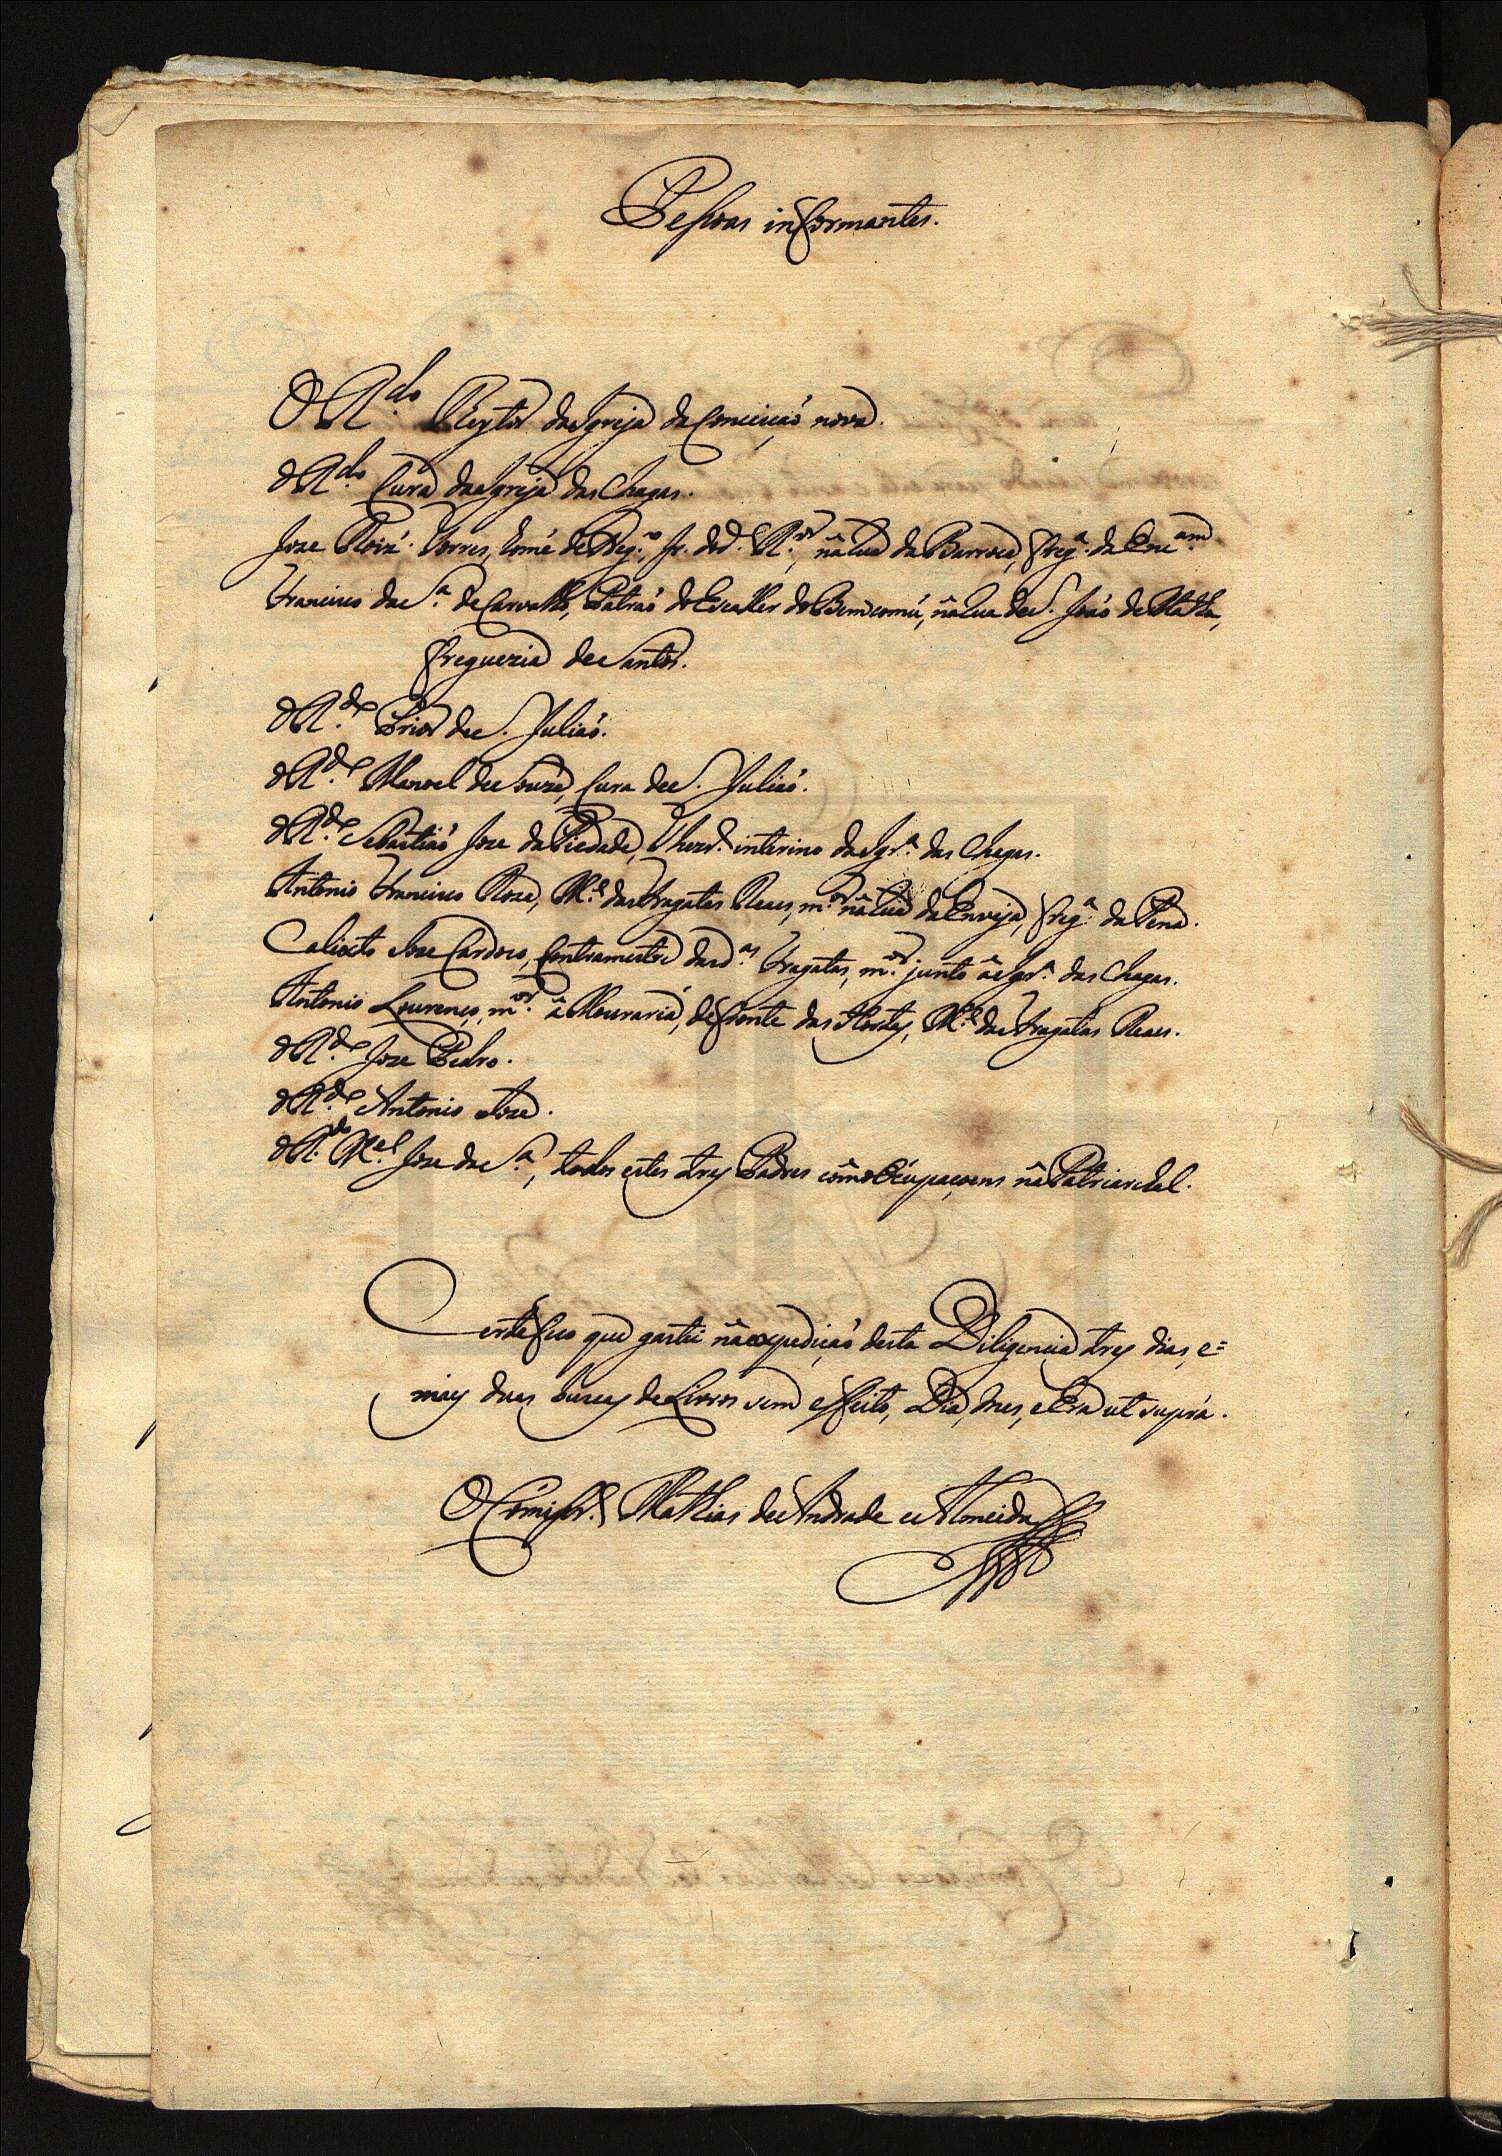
Pessoas informantes.
O R.do Reytor da Igreja da Conceiçaõ nova.
O R.do Cura da Igreja das Chagas.
Joze Roiz̄ Torres homē de Reg.o, Jr. do d.o R.or, na Rua da Barroca, freg.a da Enca.m
Francisco da S.a de Carvallo, Patraõ do Escaller do Bem comū, na Rua de S. Joaõ de Matha,
freguezia de Santos.
o R.do Prior de S. Juliaõ.
o R.do Manoel de Souza, Cura de S. Juliaõ.
o R.do Sebastiaõ Joze da Piedade, Thezr.o interino da Igr.a das Chagas
Antonio Francisco Roza, M.l das Fragatas Reaes, m.or na Rua da Enveja, freg.a da Pena.
Calixto Ioze Cardozo, Contramestre das d.as Fragatas, m.or junto a Igr.a das Chagas.
Antonio Lourenço, m.or a Mouraria, defronte das Hortas, M.l da Fragatas Reaes.
o R.do Joze Pedro.
o R.do Antonio Ioze.
o R.do M.el Joze da S.a, todos estes tres Padres como Ocupaçoens na Patriarchal.
Certefico que gastei na expediçaõ desta Diligencia tres dias, e
mais duas buzcas de Livros sem effeito, Dia, mes, e Era ut suprá.
O Comissr.o Mathias de Andrade e Almeida
